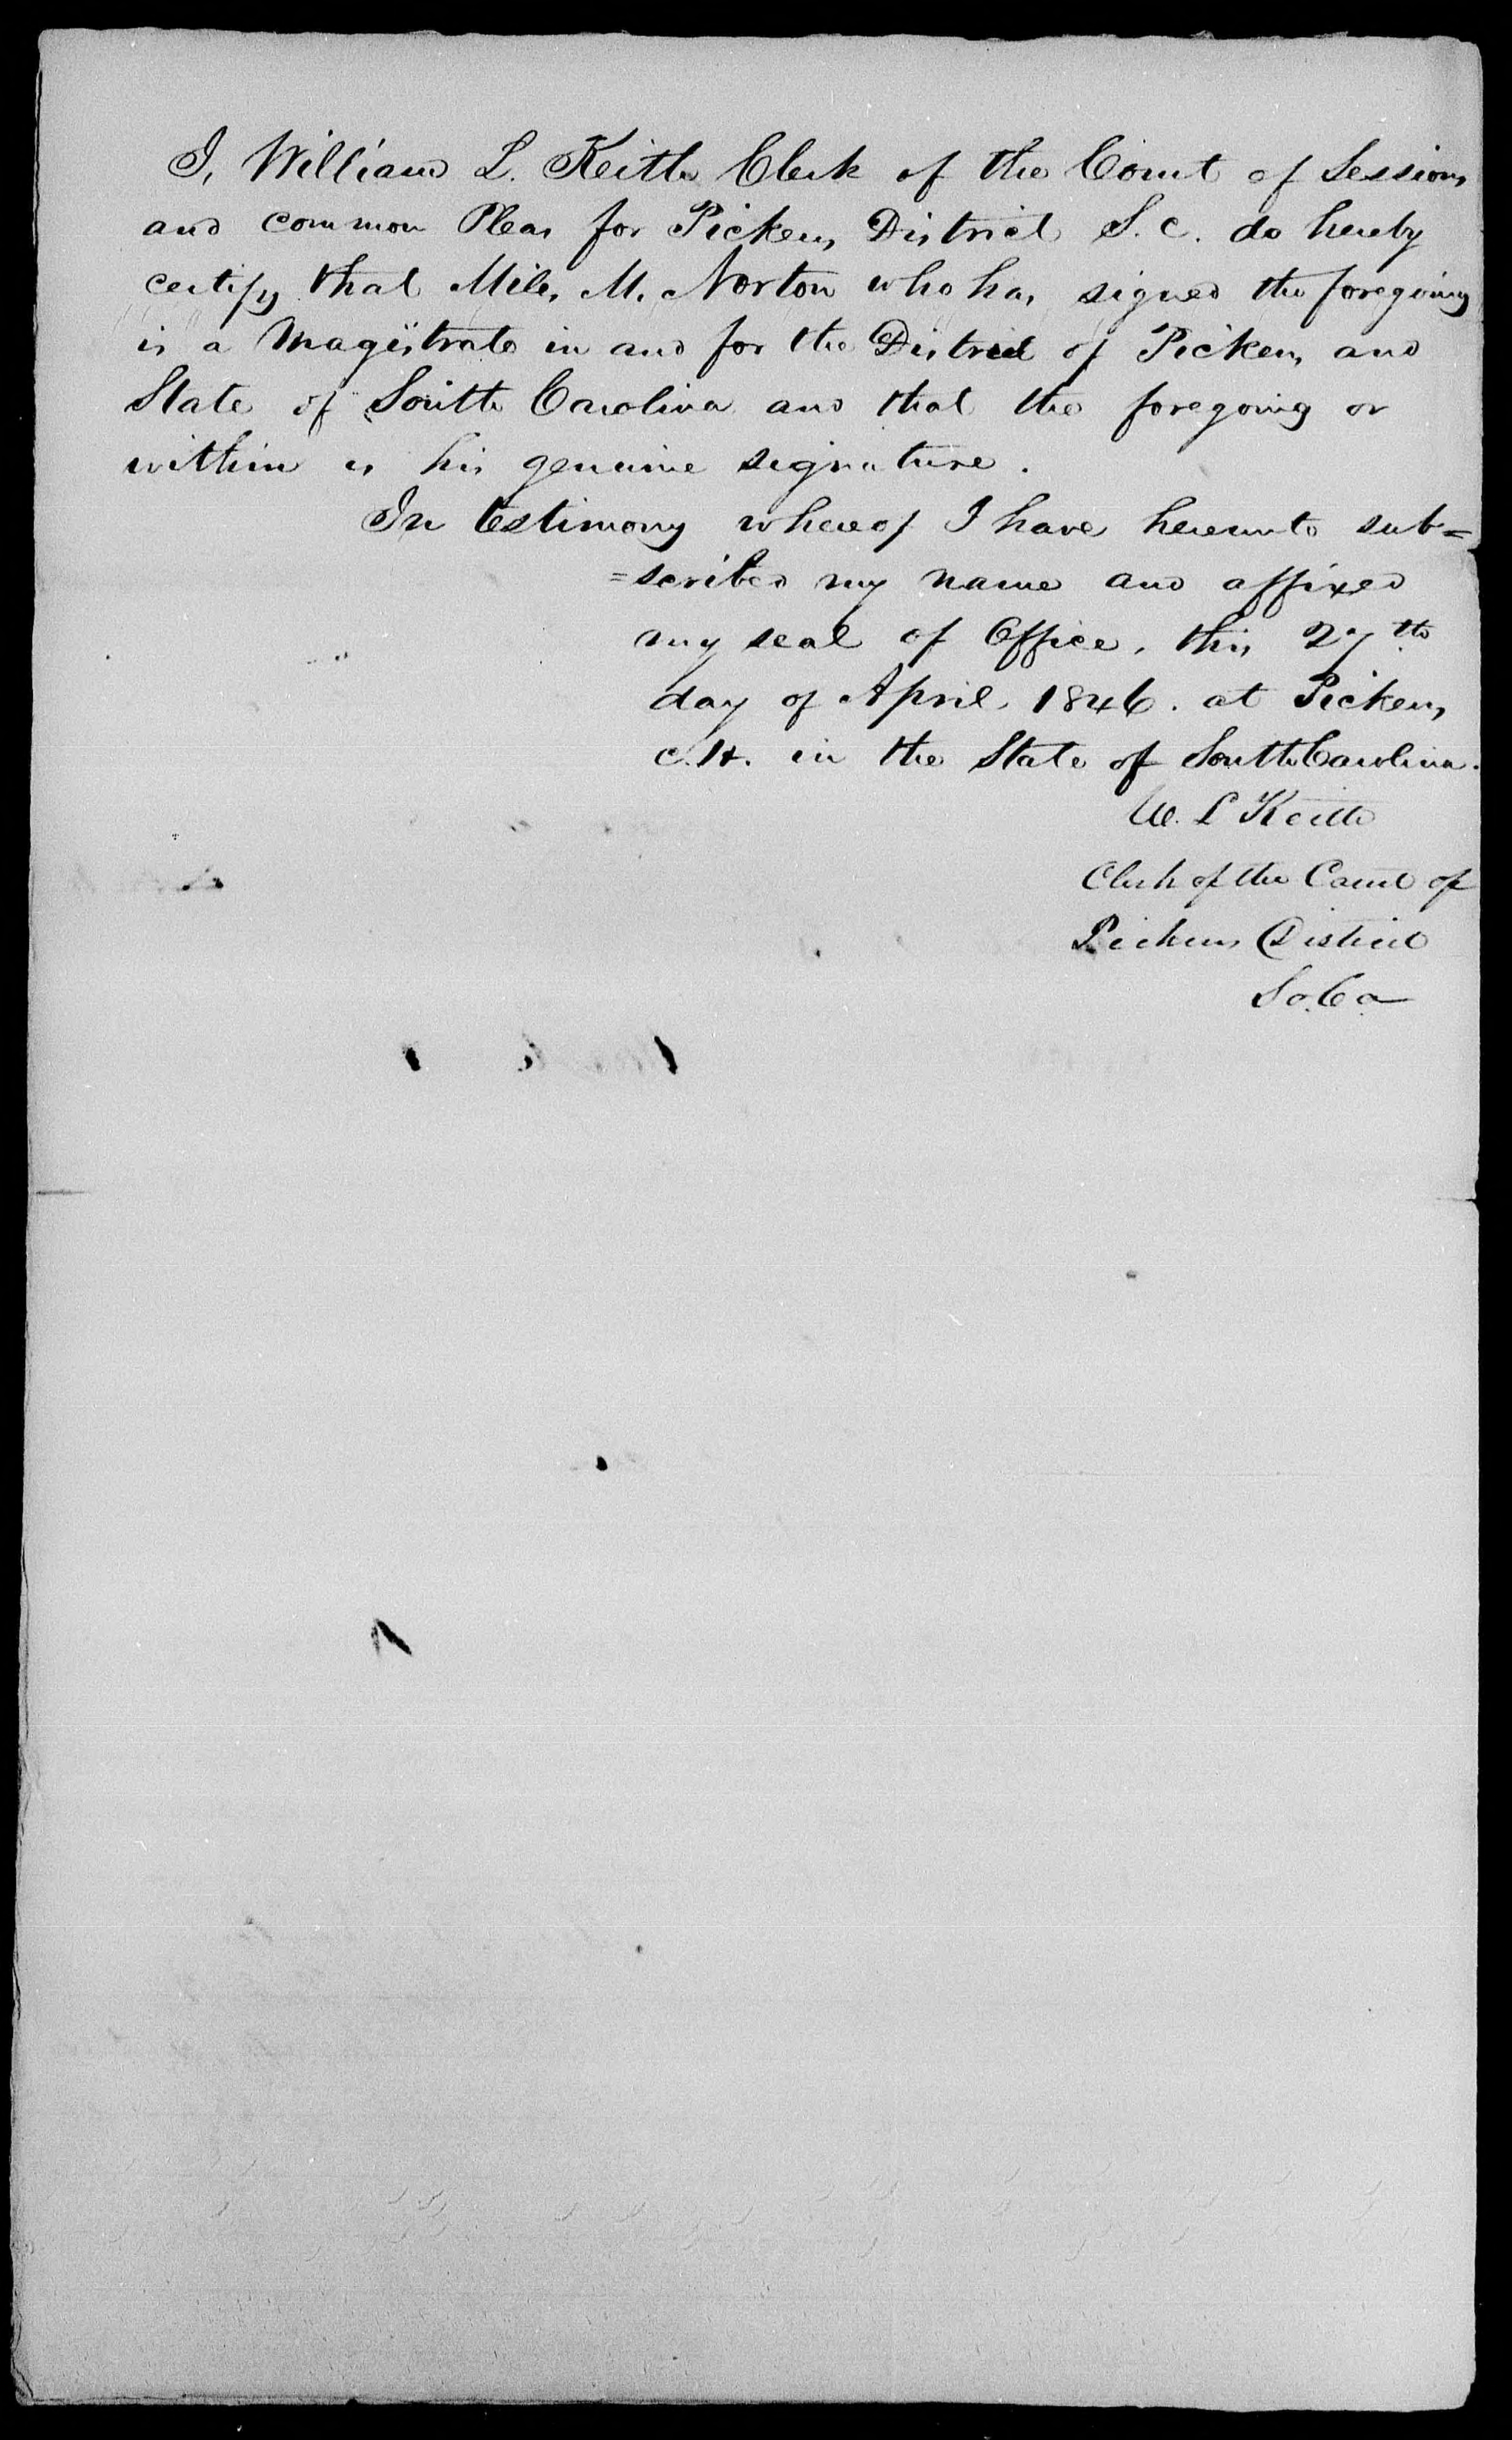I, William L. Keith Clerk of the Court of Sessions
and Common Pleas for Pickens District S.C. do hereby certify that Miles M. Norton who has signed the foregoing is a magistrate in and for the District of Pickens and State of South Carolina and that the foregoing or
within is his genuine signature.
In testimony whereof I have hereunto subscribed my name and affixed my seal of Office, this 27th
day of April 1846 at Pickens Dist.
& in the State of South Carolina
W. L. Keith
Clerk of the Court of
Pickens District
So. Ca.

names: William L Keith, W L Keith, Miles M Norton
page: 30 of 55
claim: widow's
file: W. 22864, John Craig, S.C. Born In Iceland